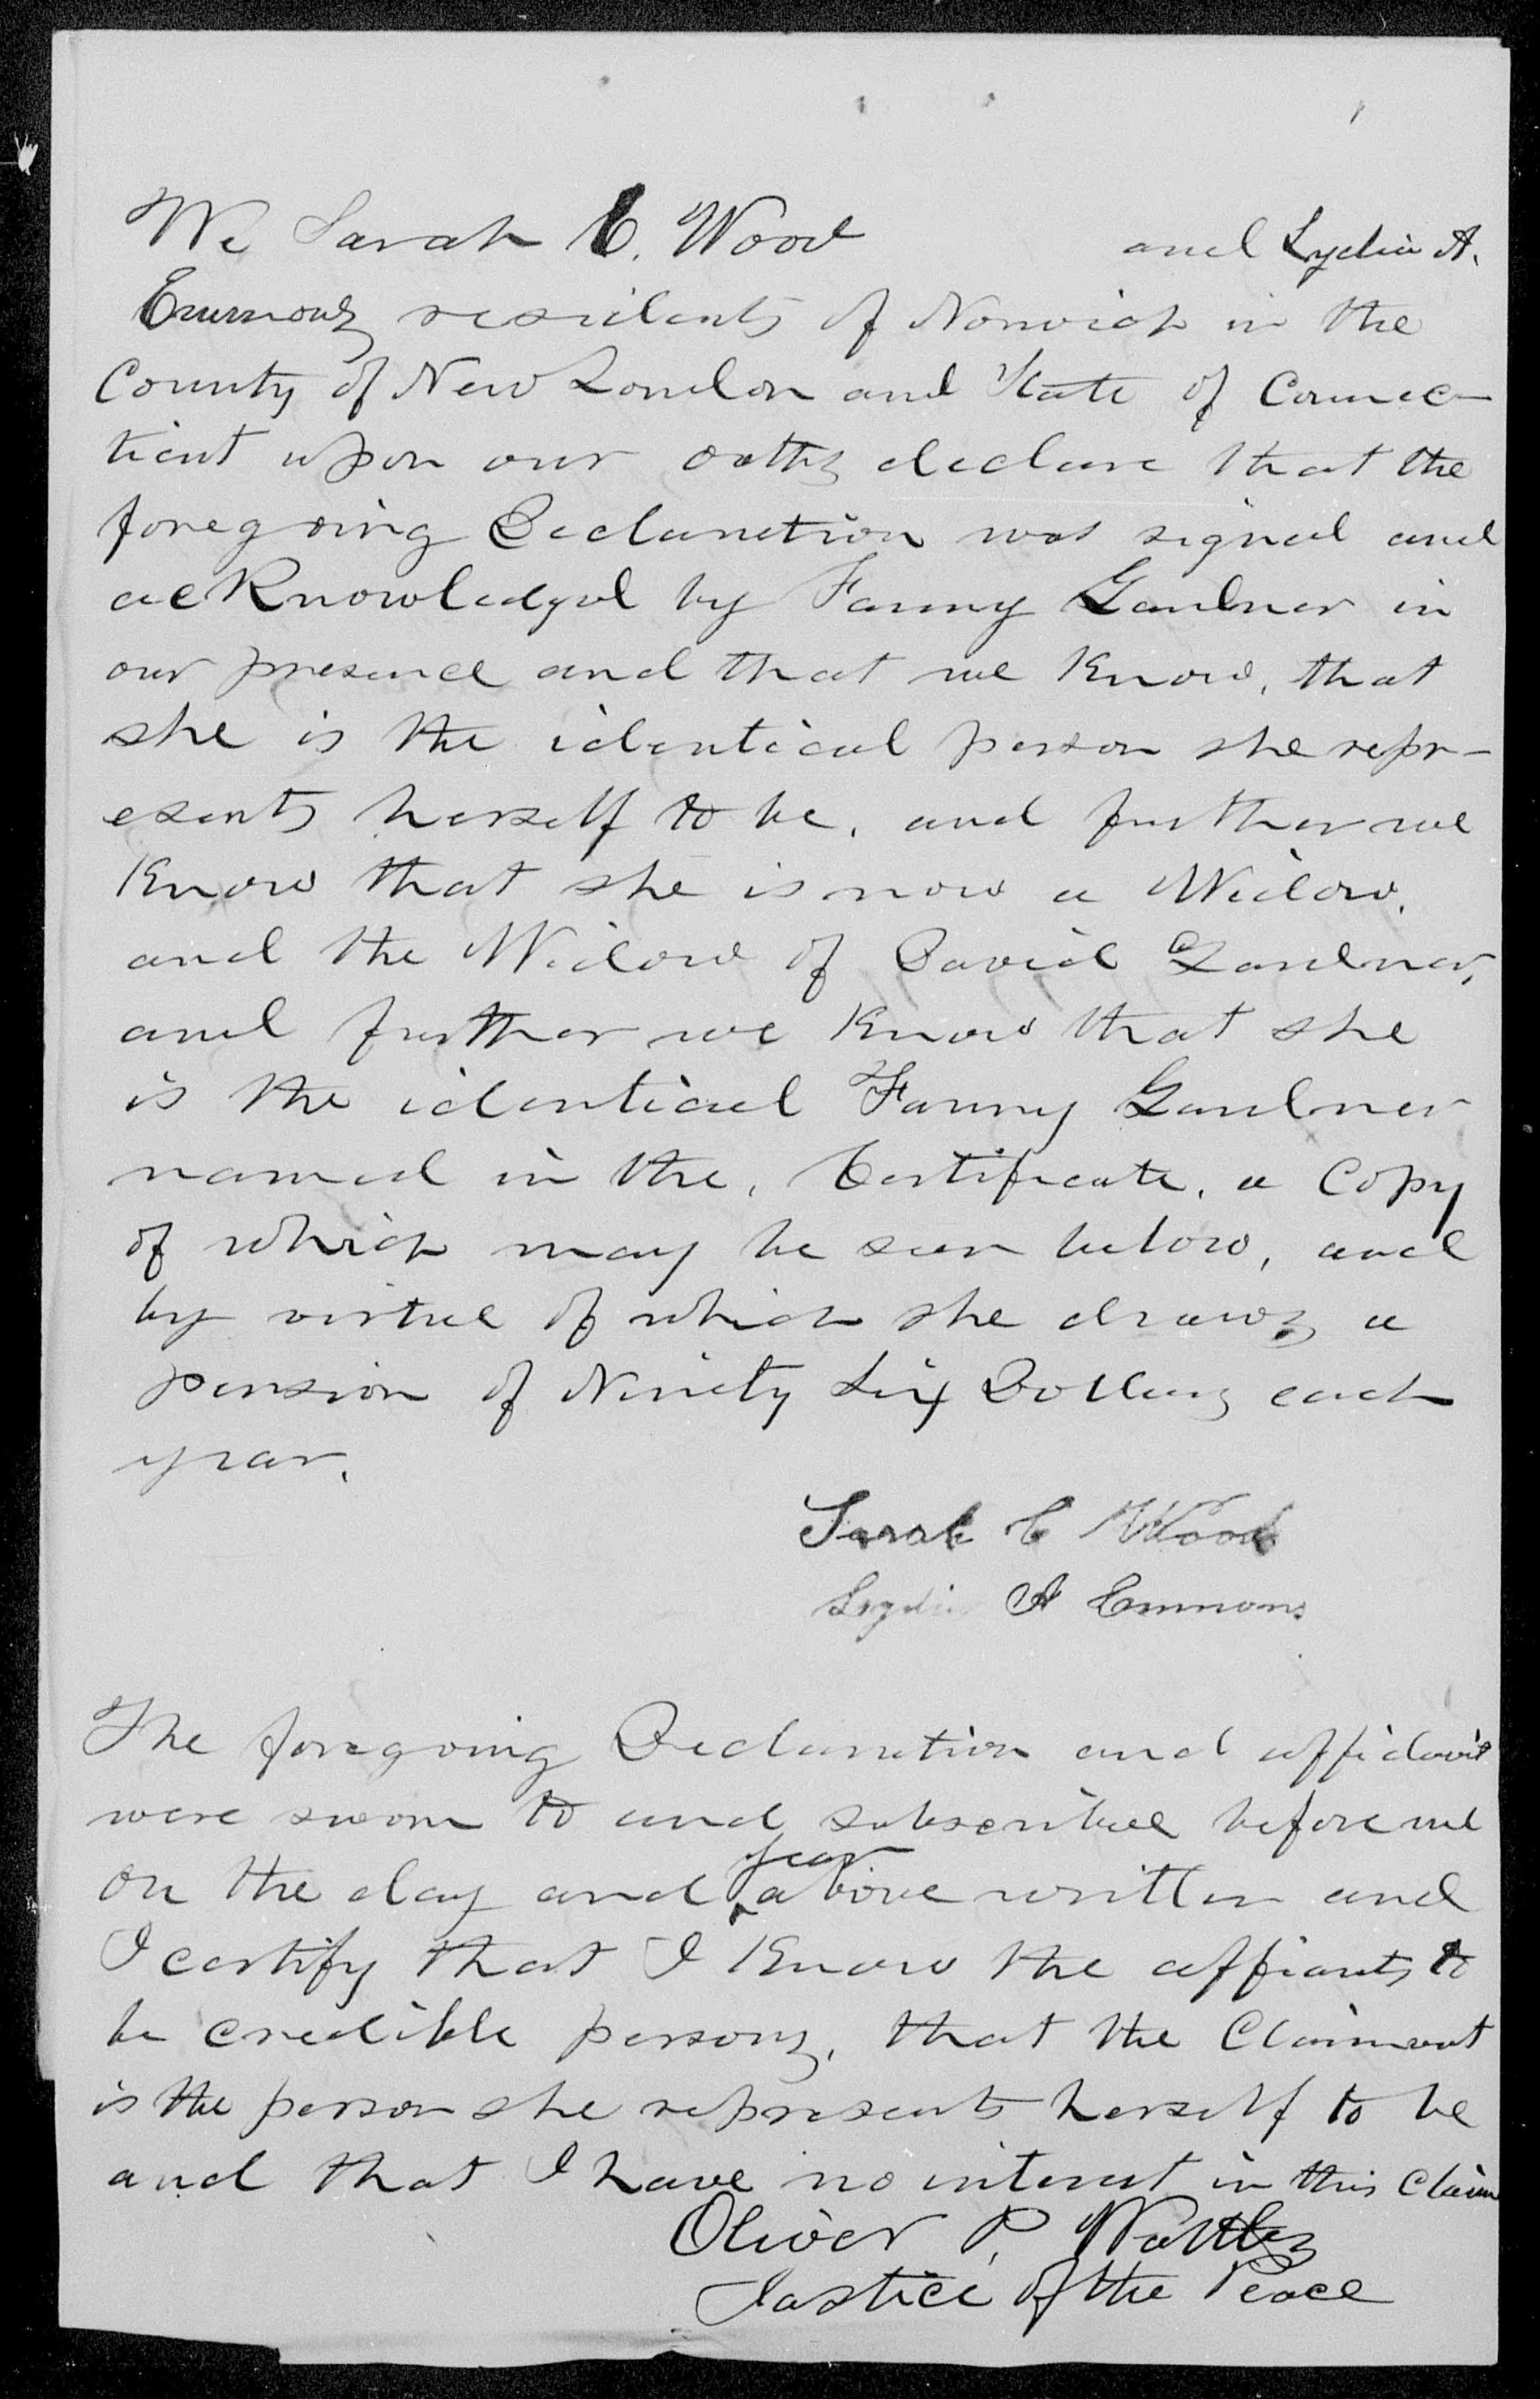We Sarah C. Wood and Lydia A. Emmons residents of Norwich in the County of New London and State of Connecticut upon our oaths declare that the foregoing declaration was signed and acknowledged by Fanny Gardner in our presence and that we know that
she is the identical person she represents herself to be, and further we know that she is now a Widow, and the Widow of David Gardner, and further we know that she is the identical Fanny Gardner named in the Certificate, a copy
of which may be seen below, and by virtue of which she draws a pension of Ninety Six Dollars each year.
Sarah C Wood
Lydia A Emmons

The foregoing Declaration and affidavit were sworn to and subscribed before me on the day and year above written and I certify that I know the affiants to be credible persons, that the Claimant is the person she represents herself to be and that I have no interest in this claim.
Oliver P. Wattles
Justice of the Peace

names: Lydia A Emmons, Sarah C Wood, Sarah C Wood, Fanny Gardner, Lydia A Emmons, Oliver P Wattles, David Gardner, Fanny Gardner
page: 12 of 66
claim: widow's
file: W 1850, David Gardner, Conn.